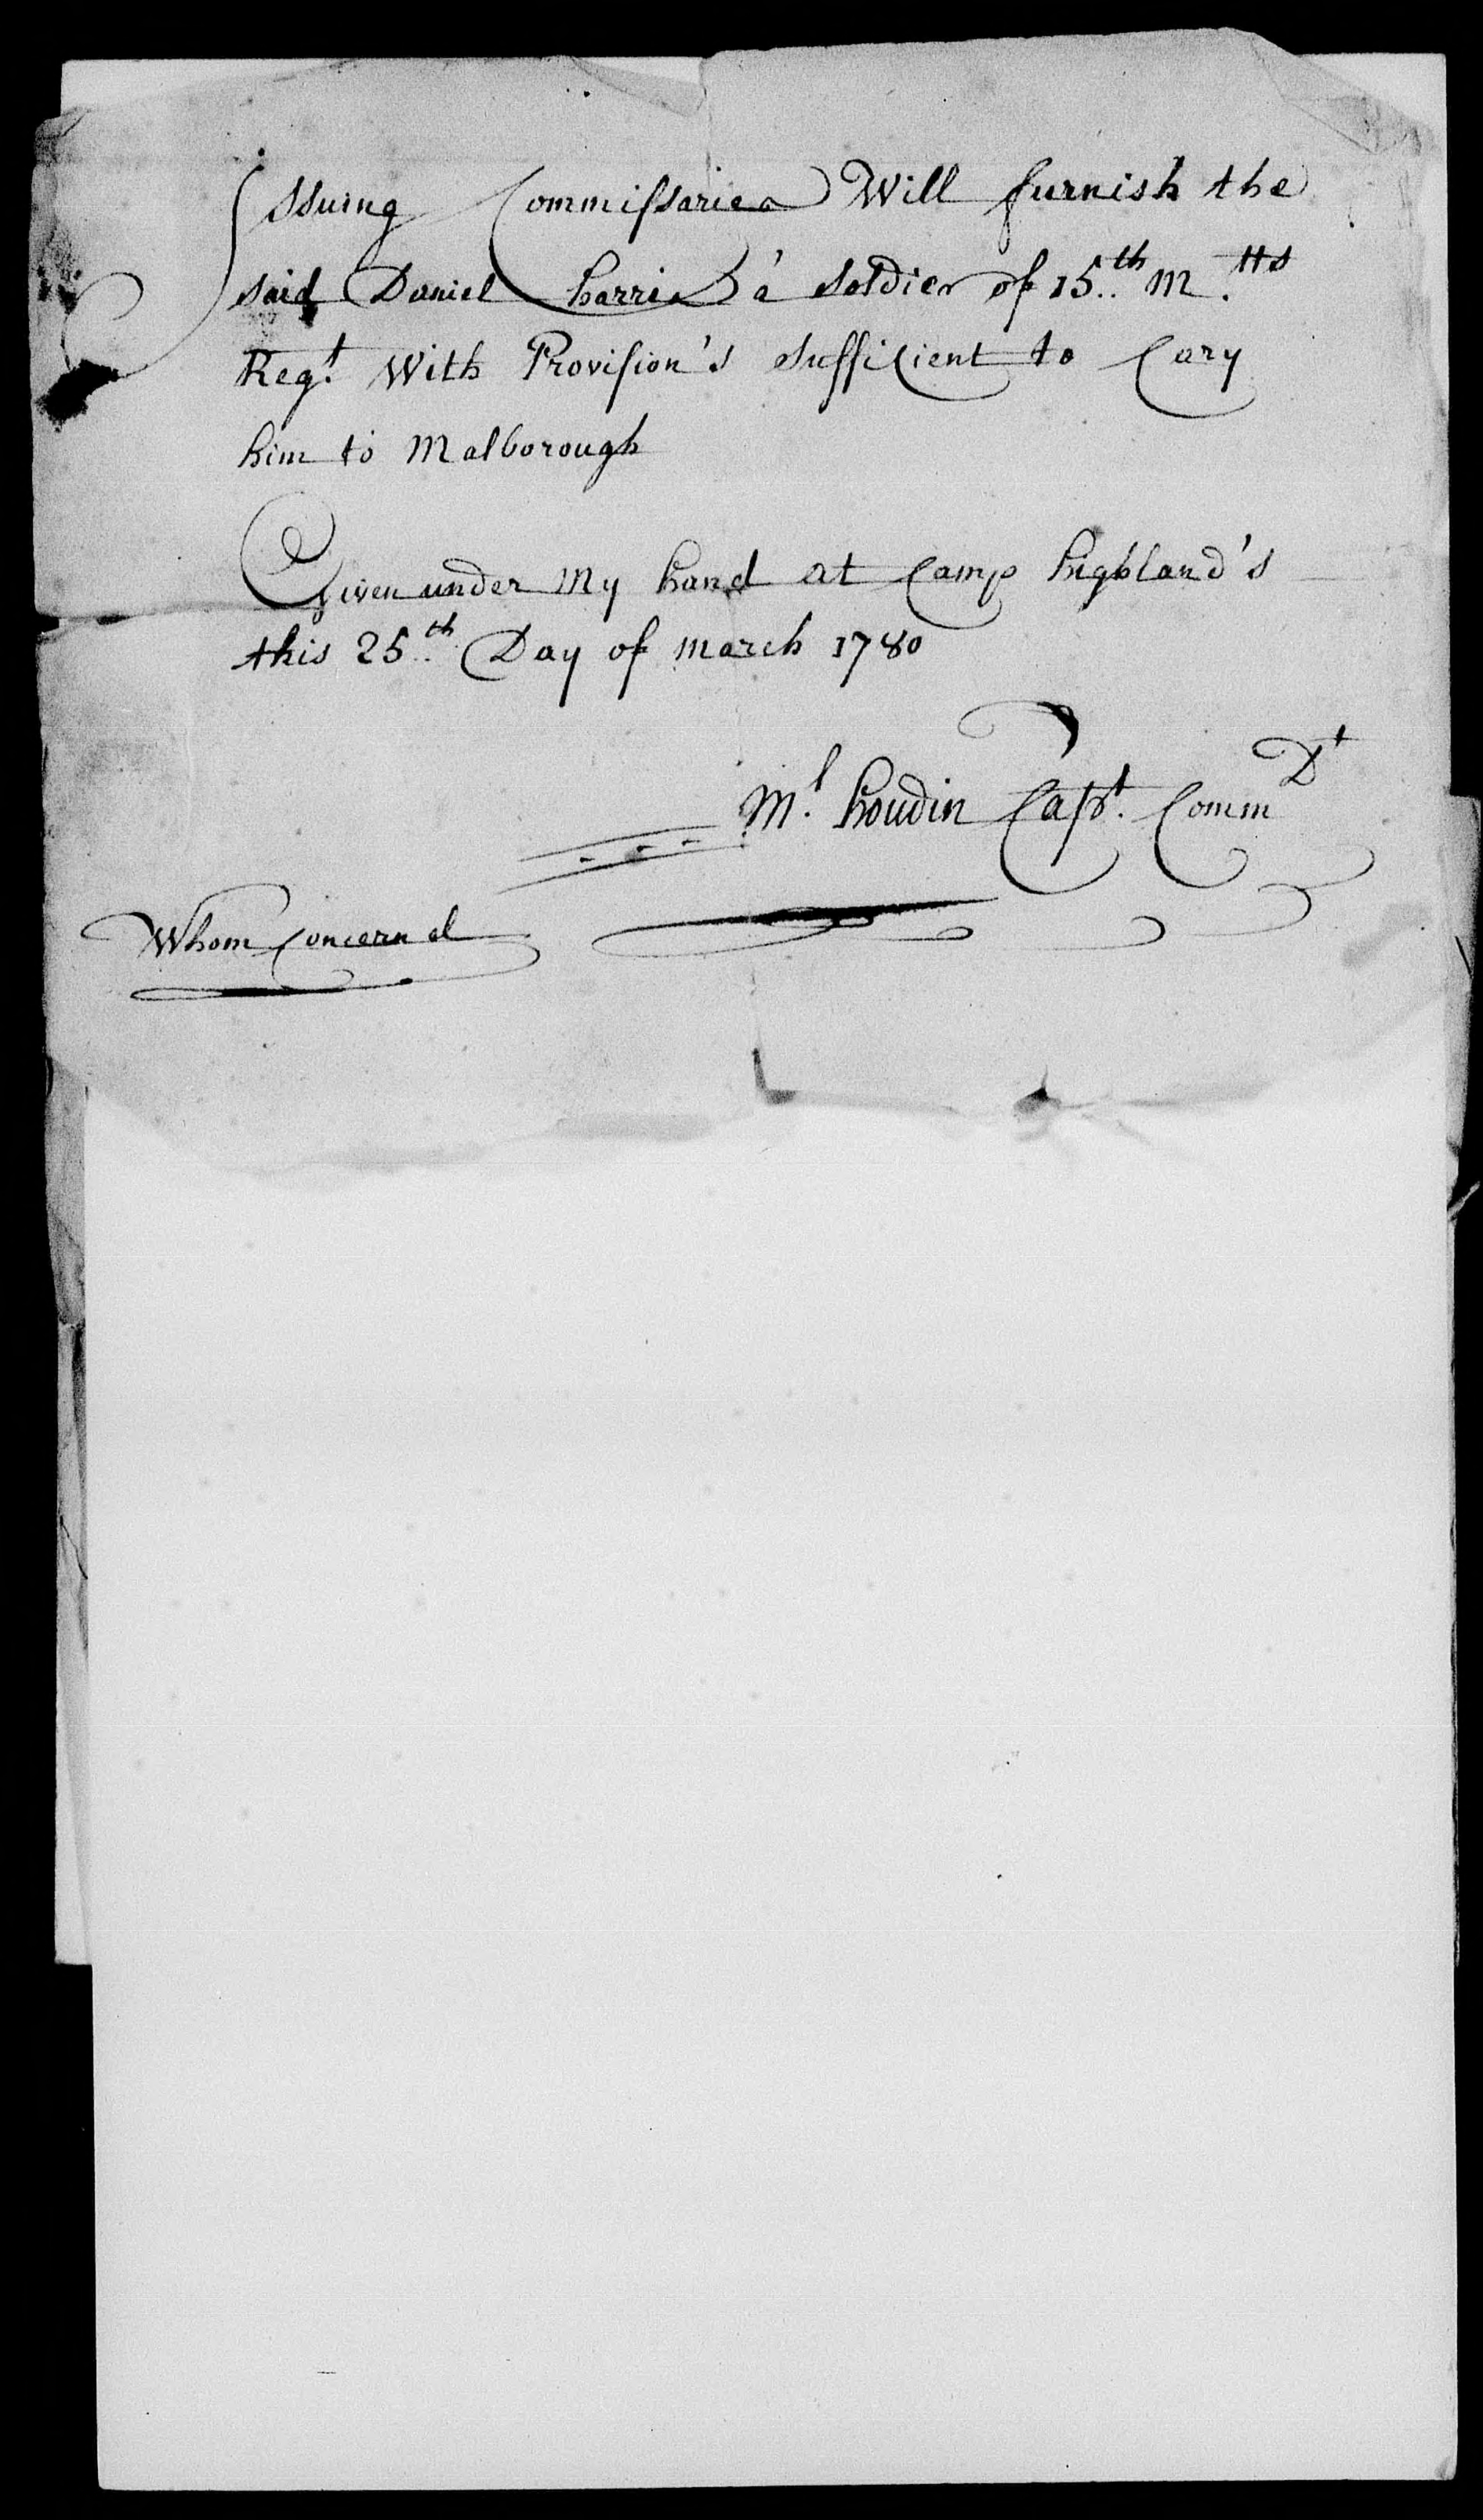Issuing (Comisarie?) will furnish the said Daniel Harris a Soldier of 15t m.tts [Massachusetts] Regiment with Provisions sufficient to Cary him to Malborough

Given under my hand at Camp Highland's this 25th day of March 1780

Signature Ml Loudin Capt Comm
Whom concerned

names: Ml Loudin, Daniel Harris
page: 27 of 68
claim: survivor's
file: S. 29,877, Daniel Harris, Mass.